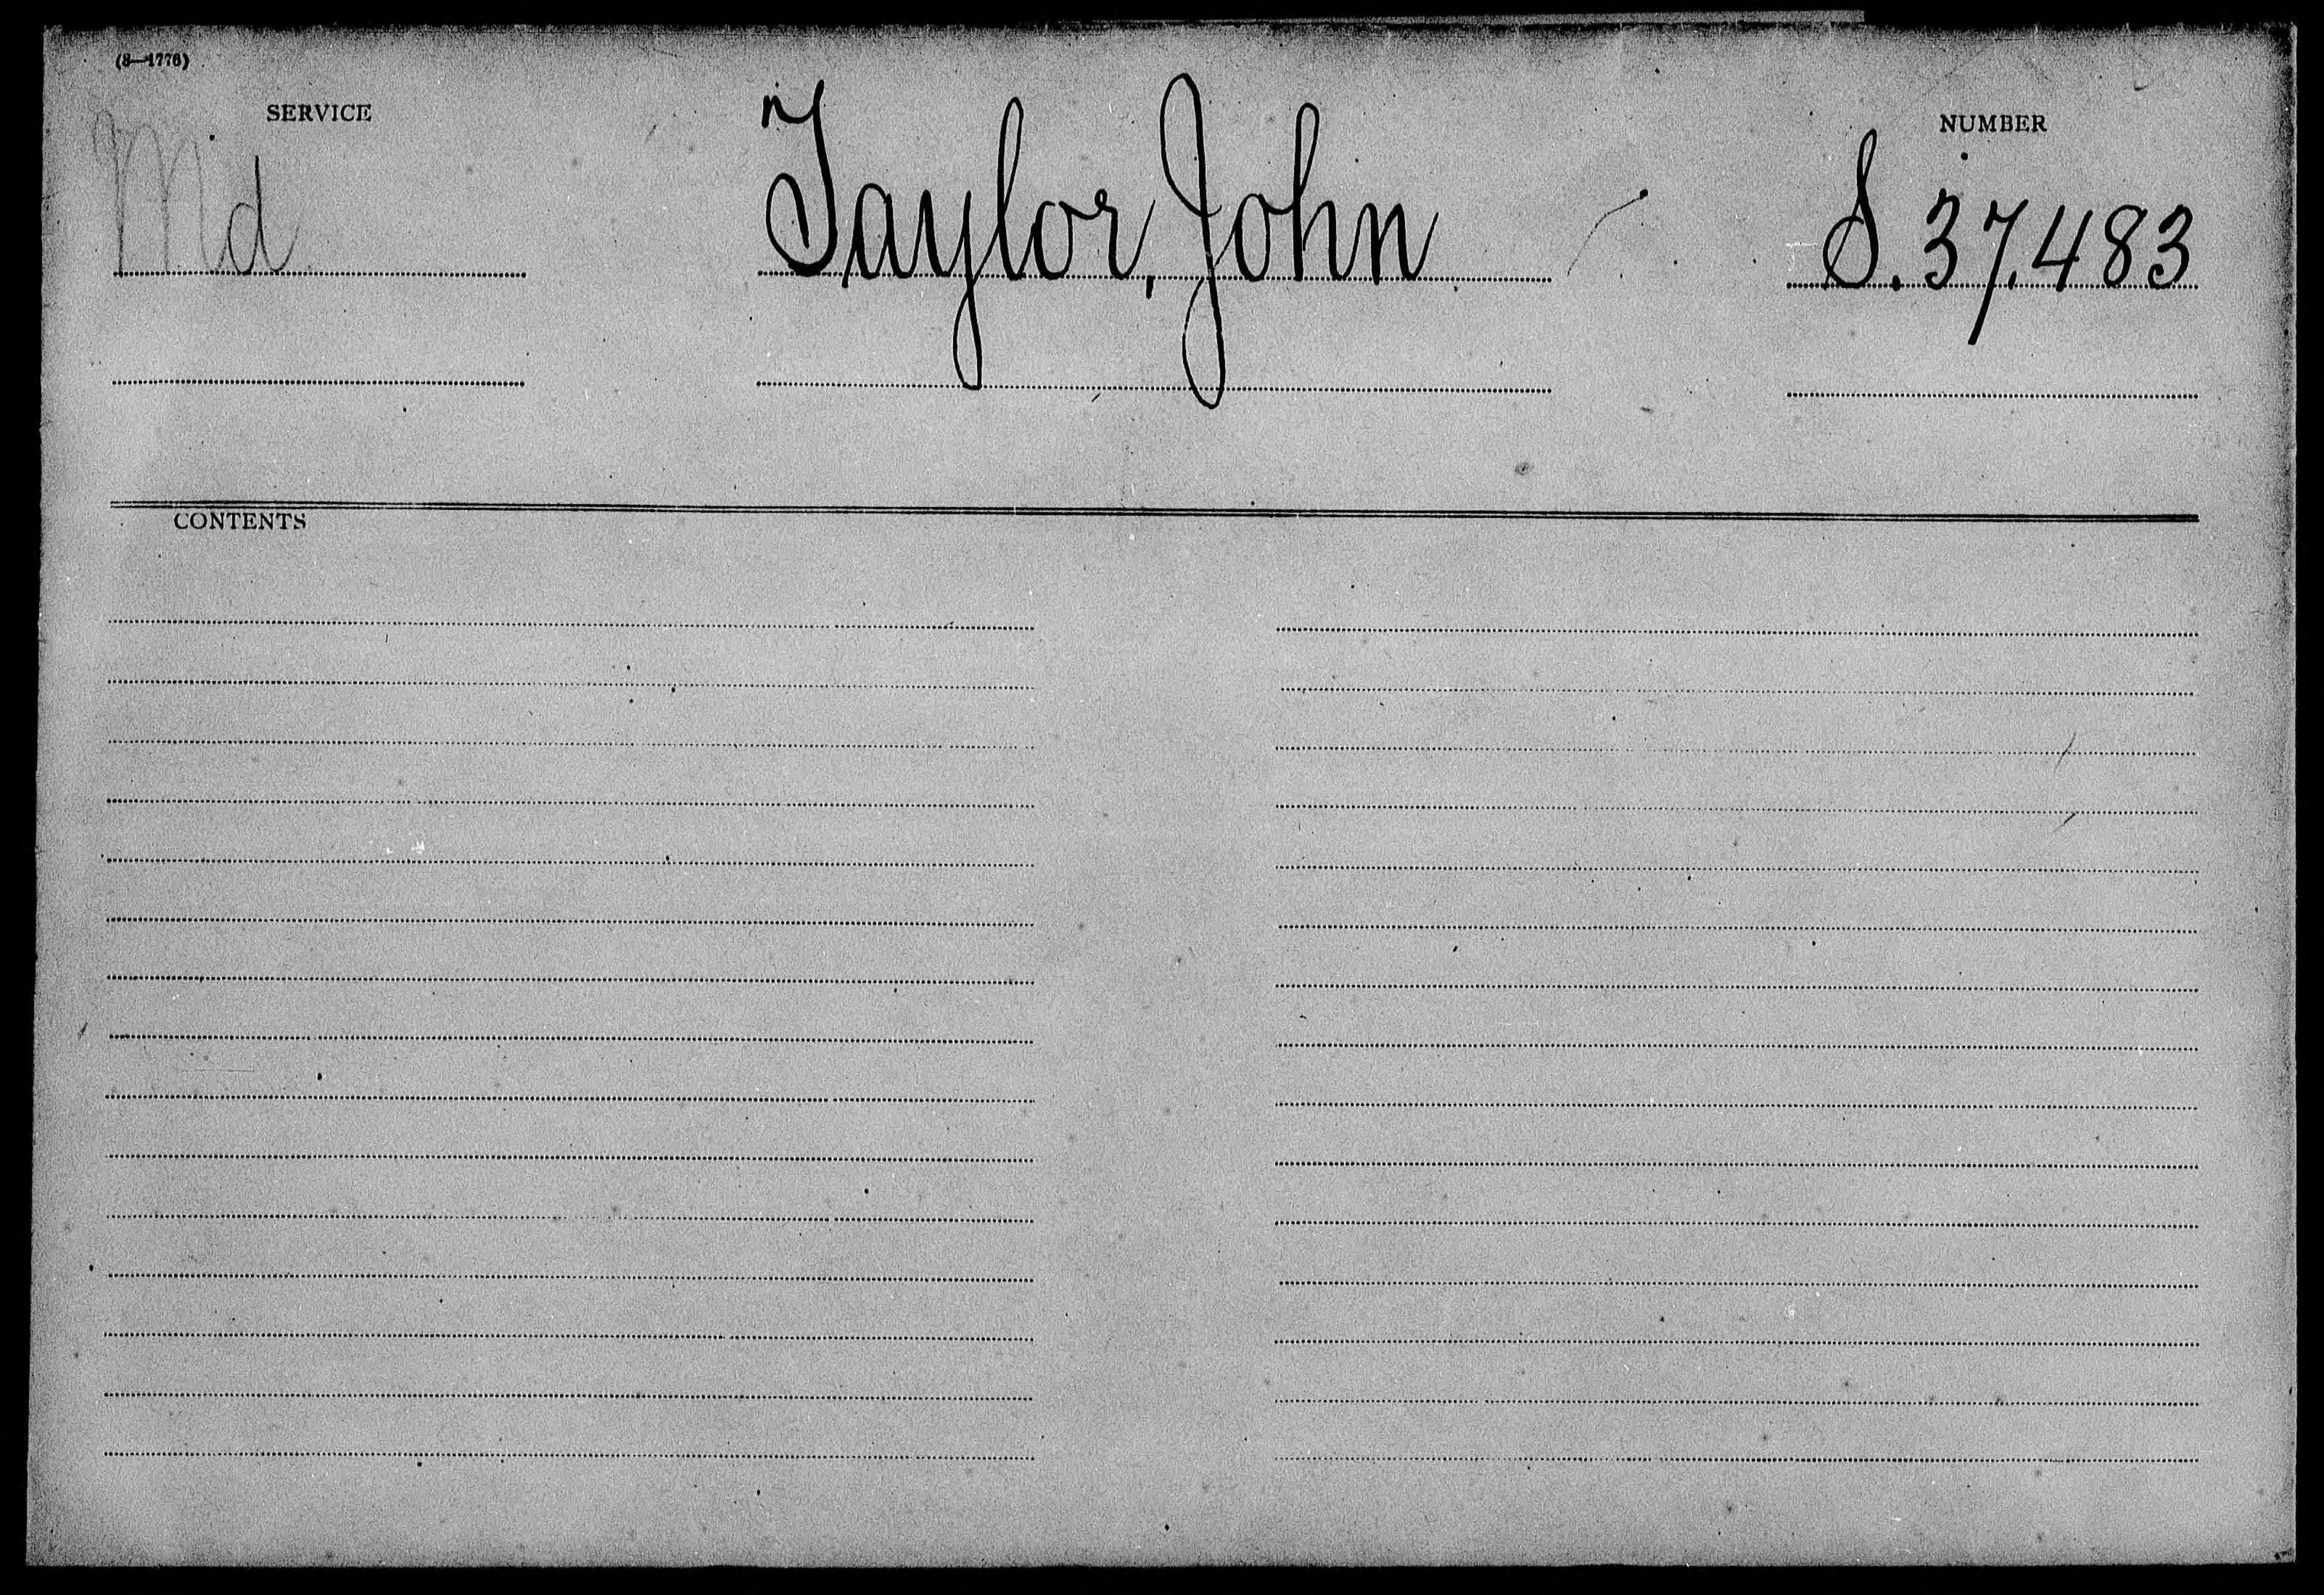(8-1776)
SERVICE
Md
Taylor, John
NUMBER
S. 37.483
CONTENTS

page: 1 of 18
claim: survivor's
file: S. 37,483, for John Taylor, Maryland